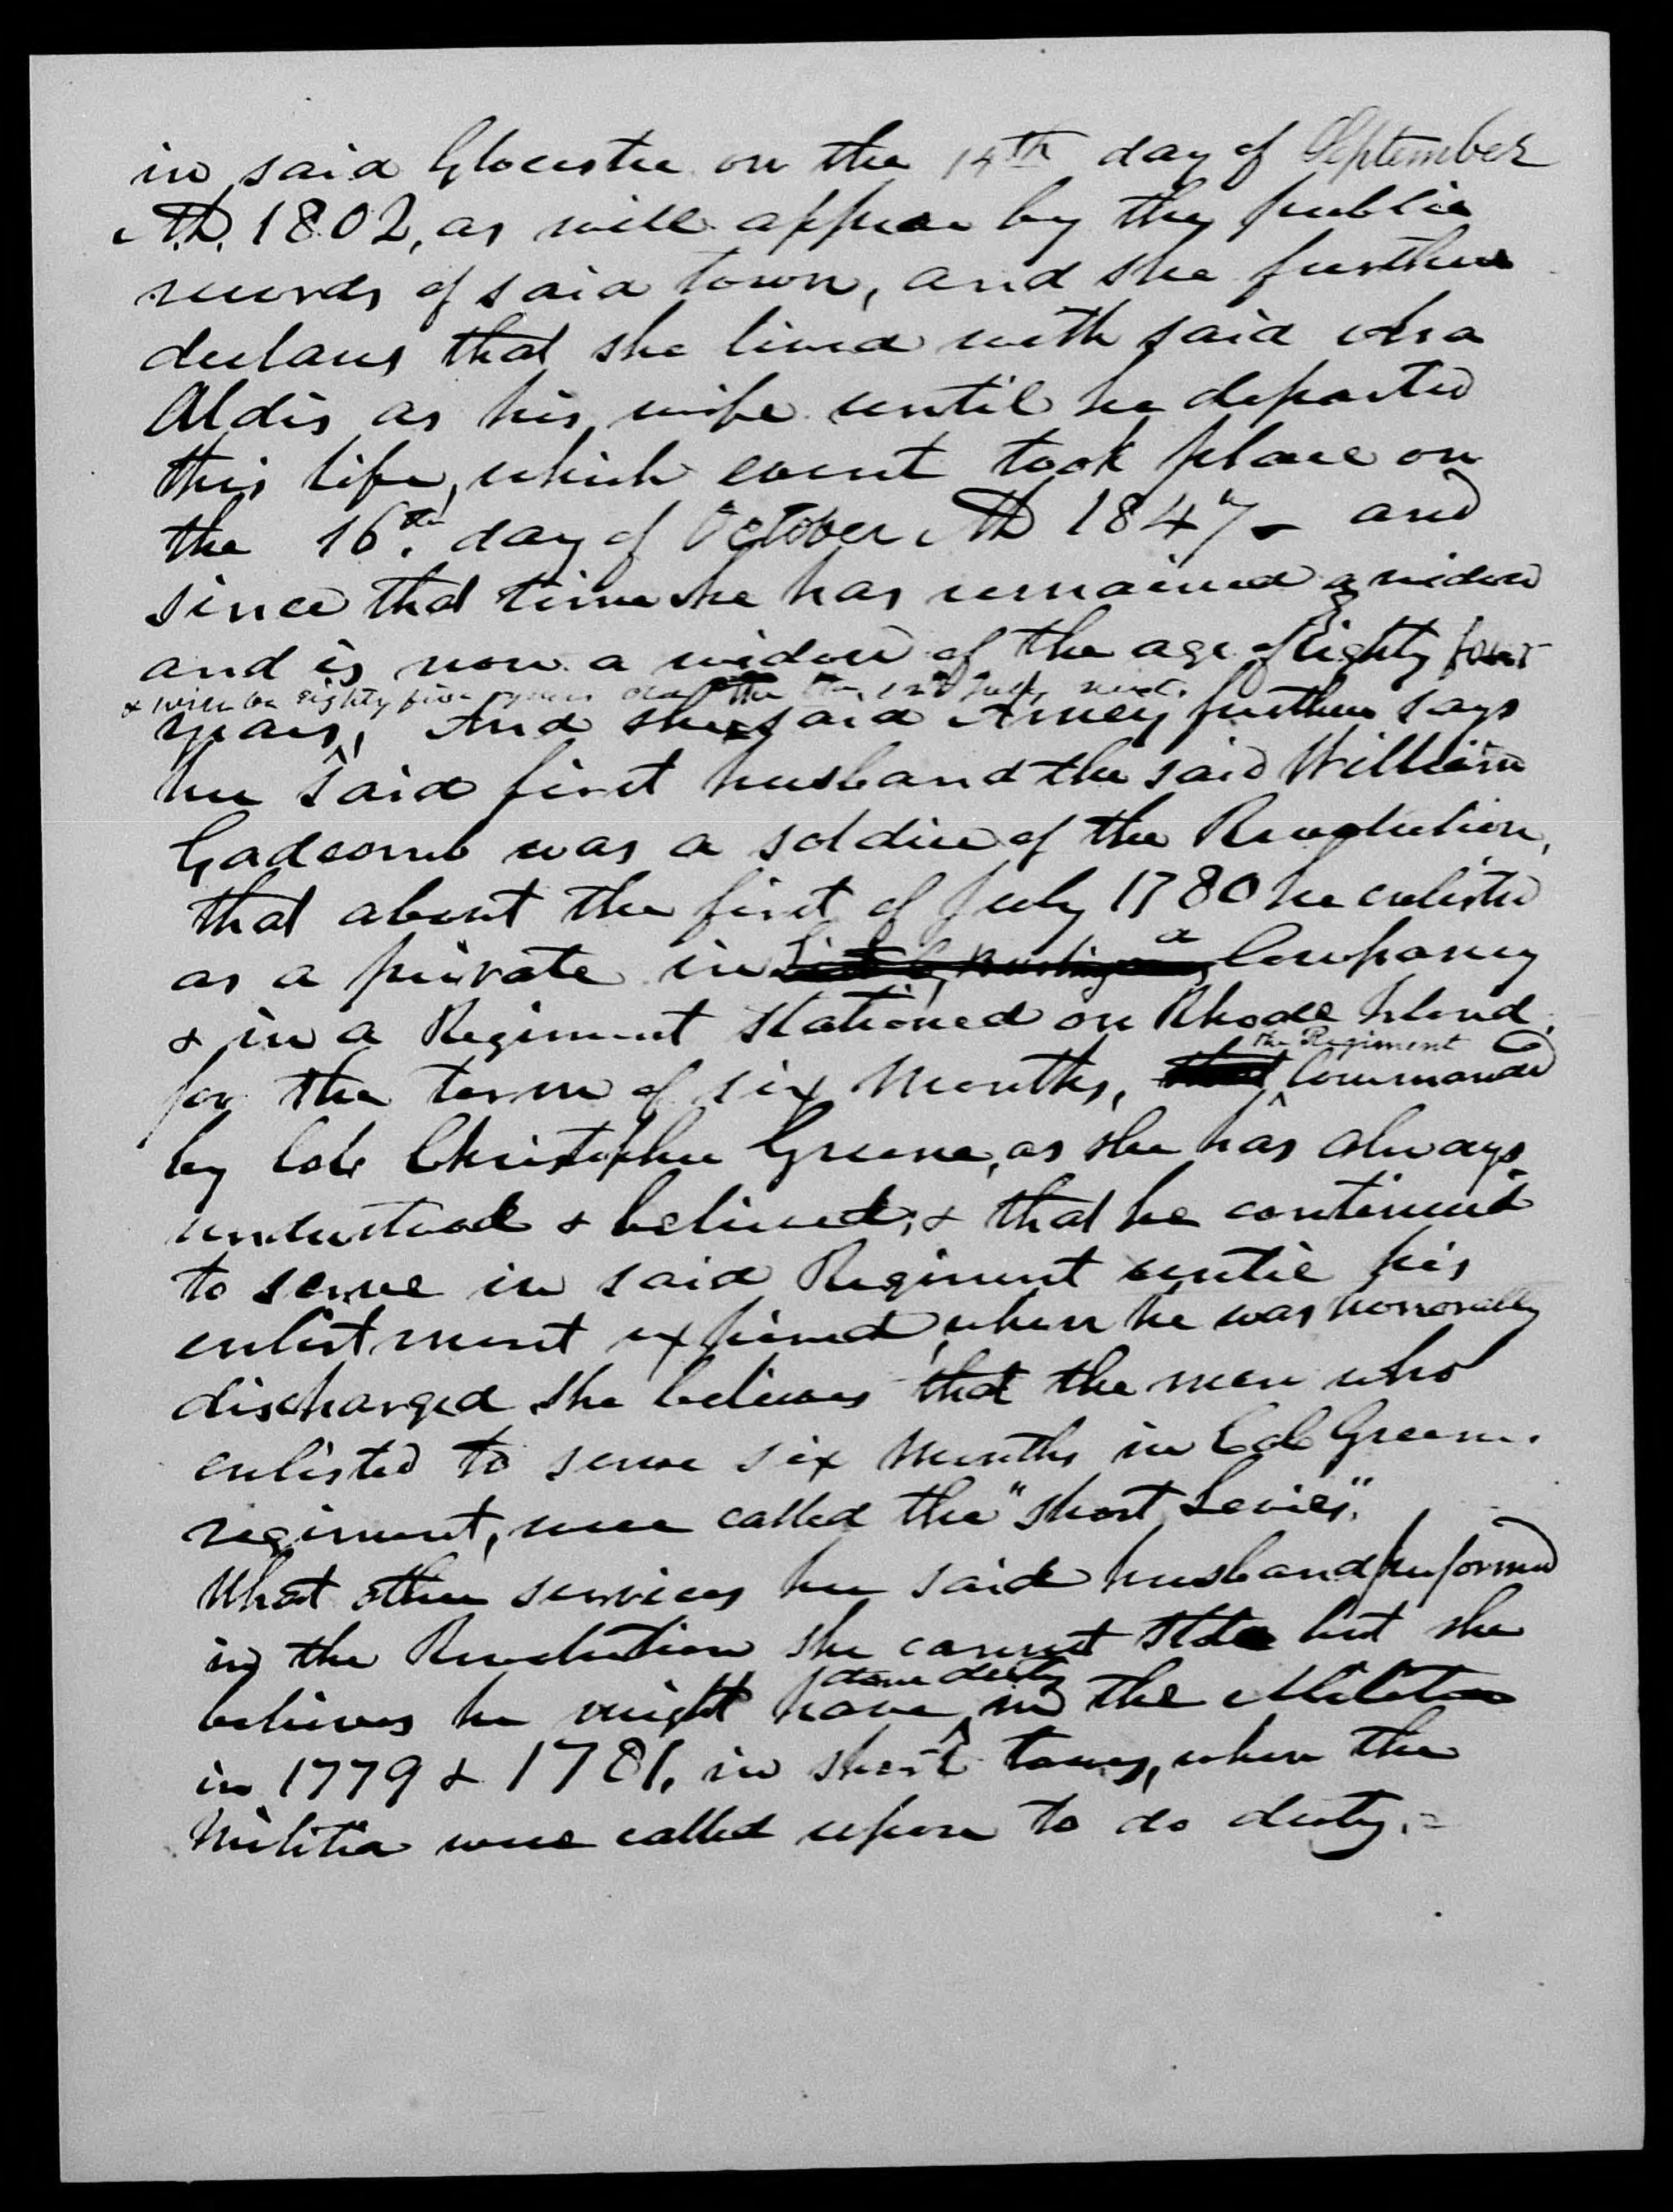in said Glocester on the 14th day of September
A.D. 1802, as will appear by the public
records of said town, and she further
declares that she lived with said Asa
Aldis as his wife until he departed
this life, which event took place on
the 16th day of October AD 1847 and 
since that time she has remained a widow
and is now a widow of the age eighty four
years & will be eighty five years old the 12th July next.
 And the said Amey further says
her said first husband the said William
Gadcomb was a soldier of the Revolution
that about the first of July 1780 he enlisted 
as a private in a Company
& in a Regiment stationed on Rhode Island
for the term of six months, the regiment commanded 
by Col. Christopher Greene, as she has always
understood & believed, & that he continued
to serve in said Regiment until his
enlistment expired when he was honorably
discharged. She believes that the men who
enlisted to serve six months in Col. Greene’s 
regiment, were called the "Short Levies”.
What other services her said husband performed
in the Revolution she cannot state but she
believes he might have done duty in the Militia
in 1779 & 1781, in short tours, when the
militia were called upon to do duty.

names: Christopher Greene, Amey, William Gadcomb, Asa Aldis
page: 5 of 76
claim: widow's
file: W. 15,517, William Gadcomb, R.I.